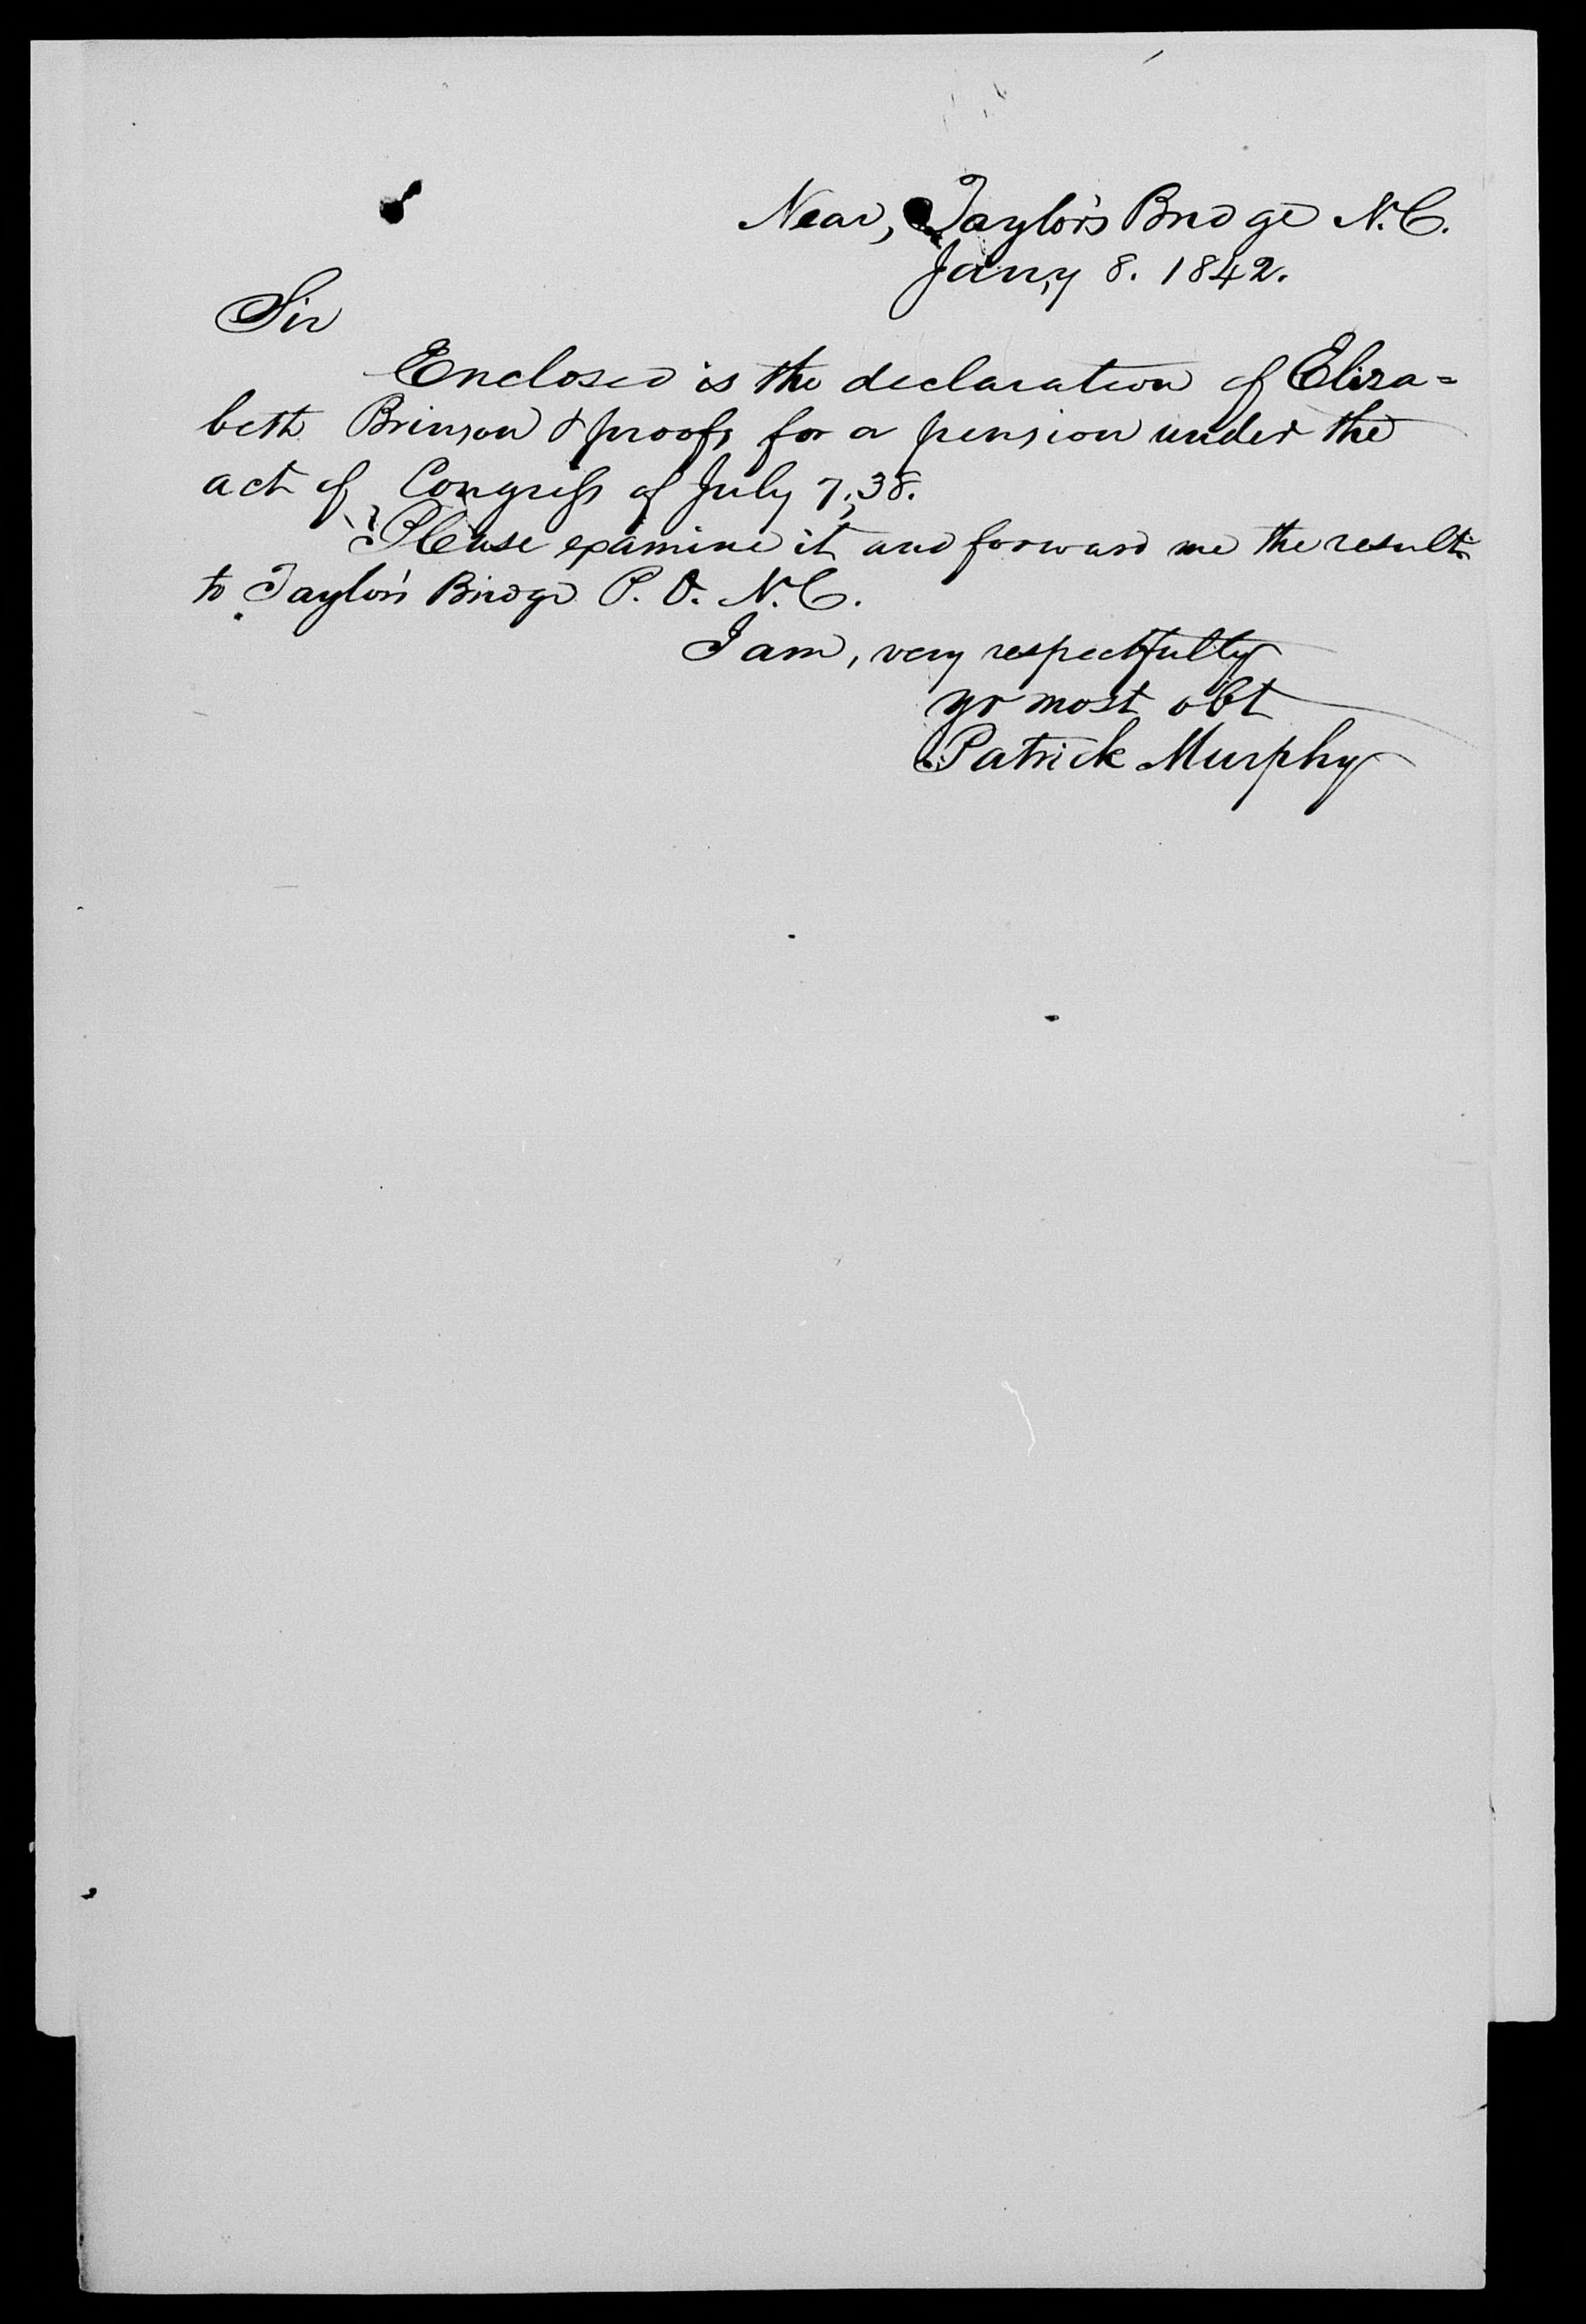Near, Taylor's Bridge N.C.
Jany 8, 1842

Sir
Enclosed is the declaration of Elizabeth Brinson and proofs for a pension under the act of Congress of July 7. 38.
Please examine it and forward me the result to Taylor's bridge P.O. N.C.
I am, very respectfully
your most obtuse Patrick Murphy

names: Elizabeth Brinson, Patrick Murphy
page: 31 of 38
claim: widow's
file: W. 5231, Hilary Brinson, N.C.